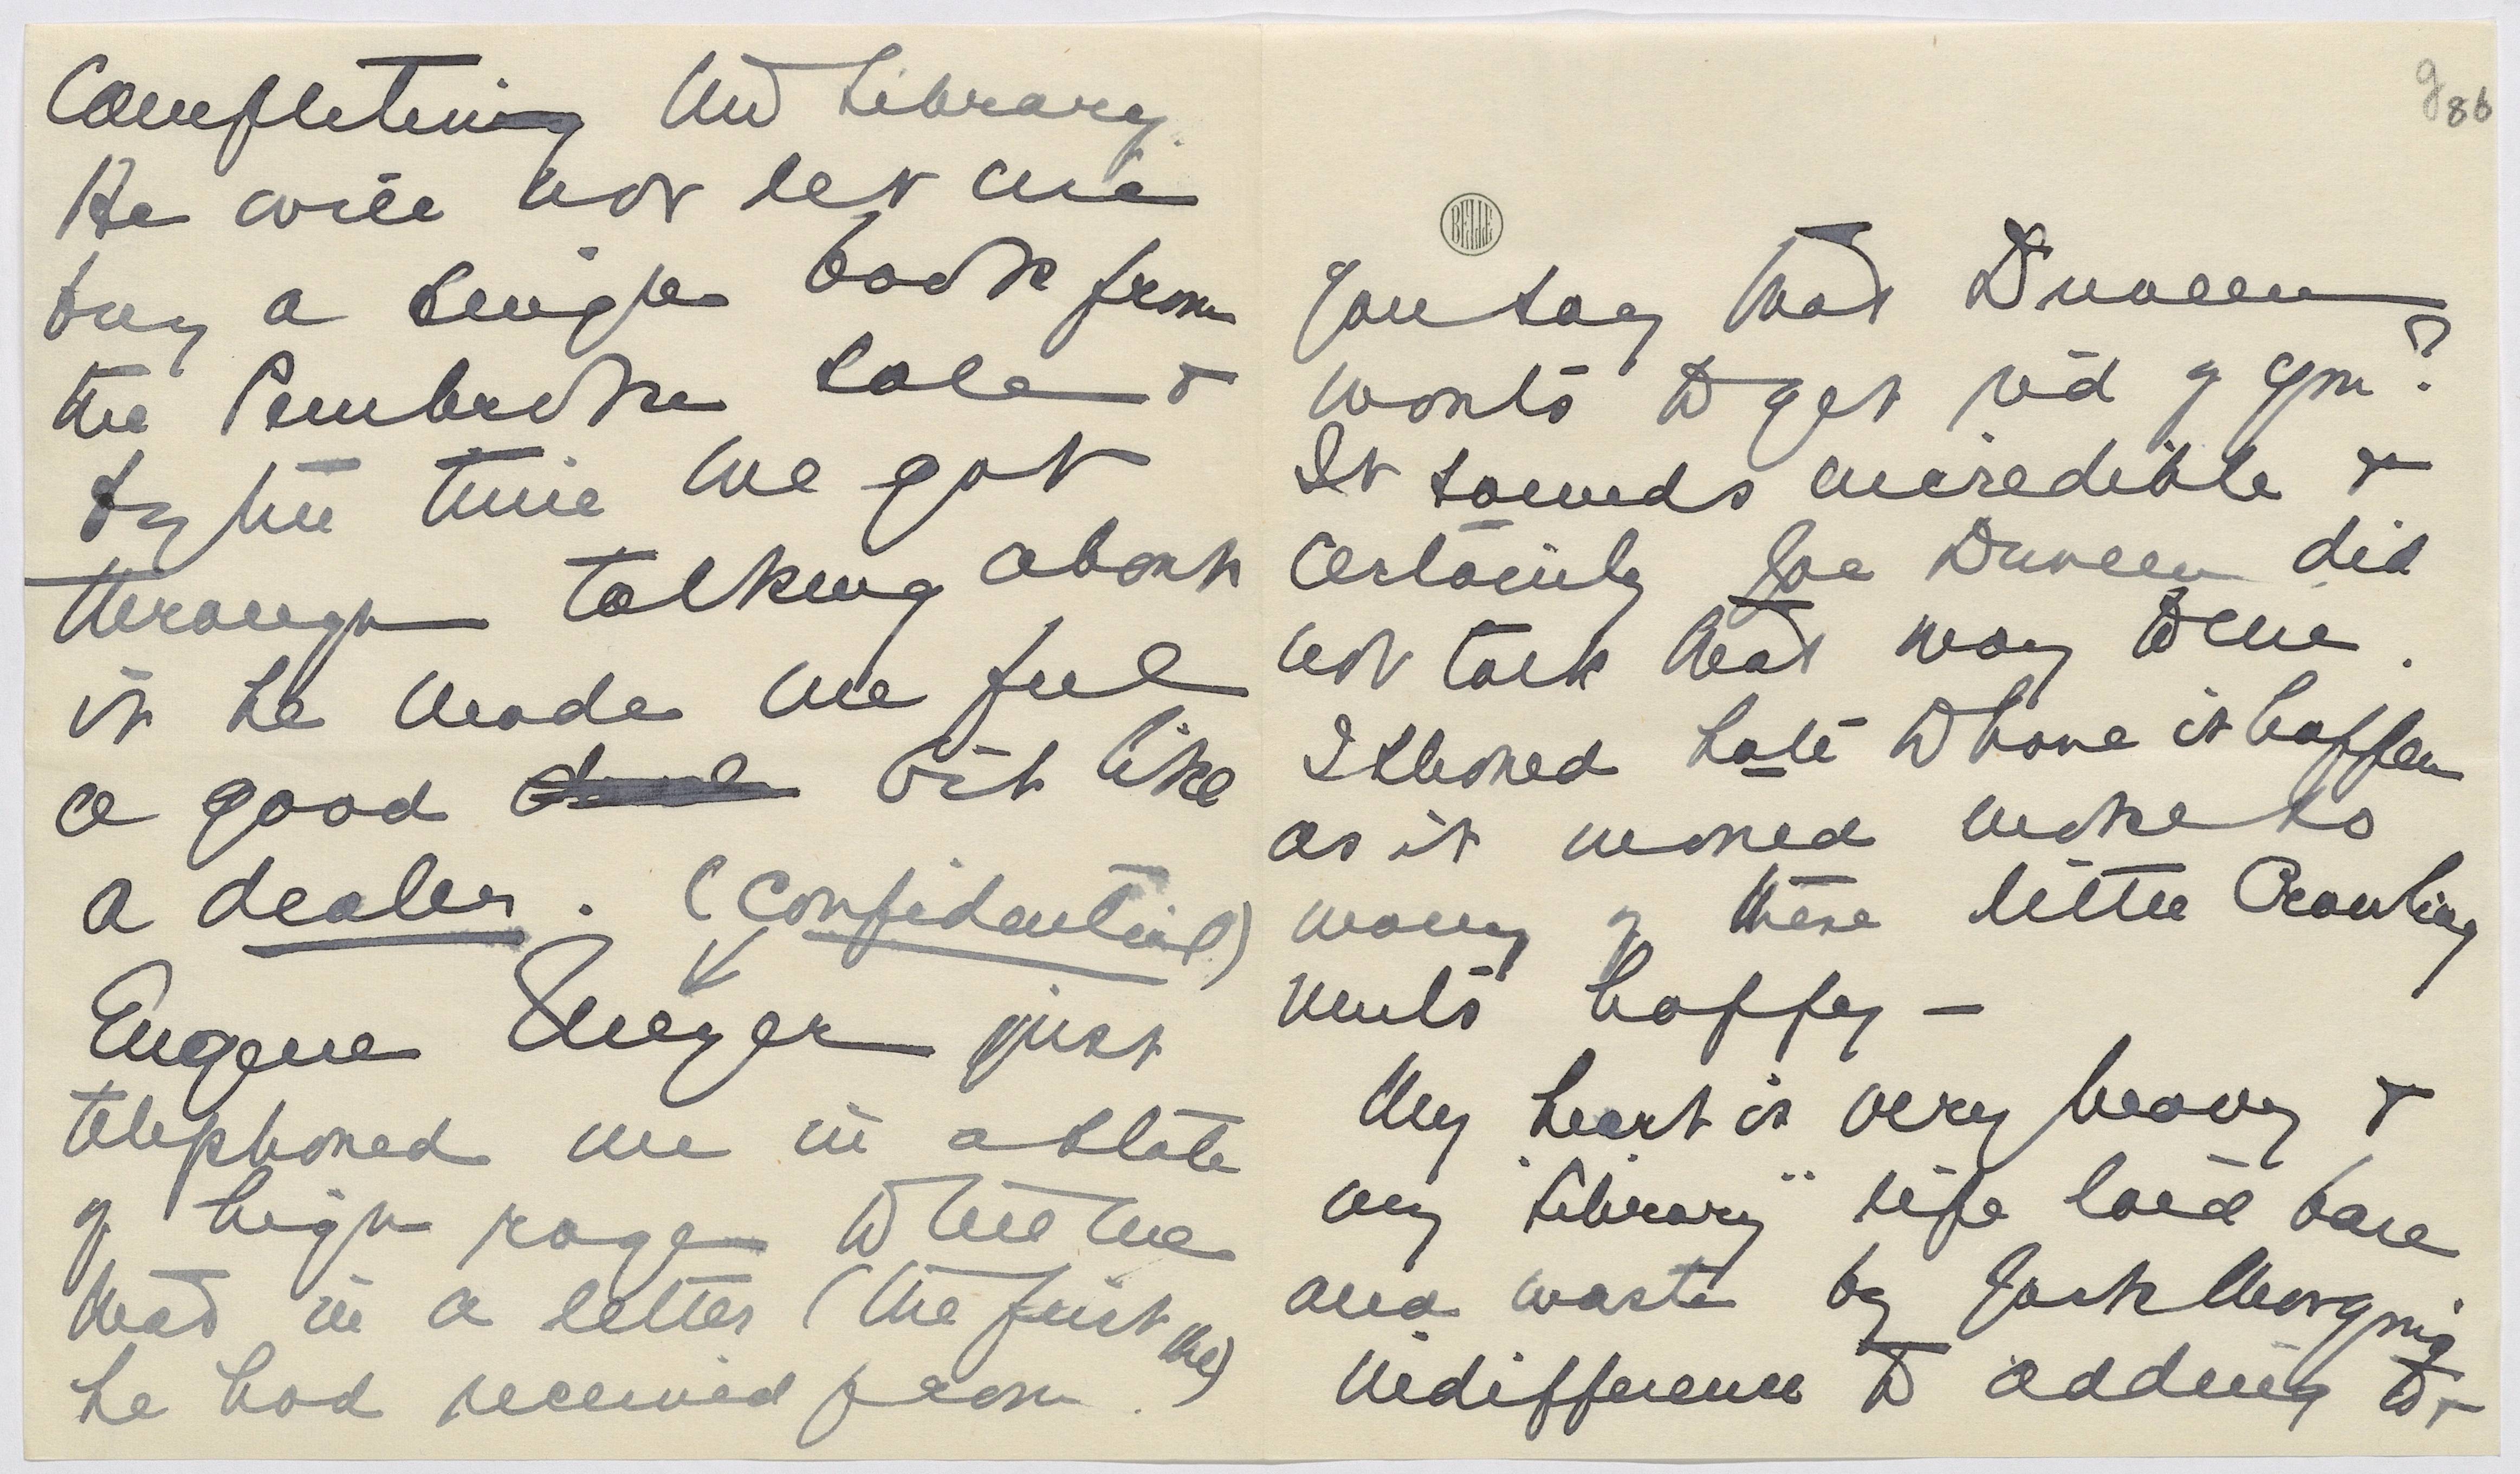you say that Duveen wants to get rid of you? It sounds incredible & certainly Joe Duveen did not talk that way to me. I should hate to have it happen as it would make so many of these little crawling units happy –
My heart is very heavy & my “Library” life laid bare and waste by Jack Morgan’s indifference to adding to &
completing the Library. He will not let me buy a single book from the Pembroke sale & by the time we got through talking about it he made me feel a good deal bit like a dealer.
Eugene Meyer [pointing to “Eugene Meyer:” (confidential)] just telephoned me in a state of high rage to tell me that in a letter (the first one) he had received from